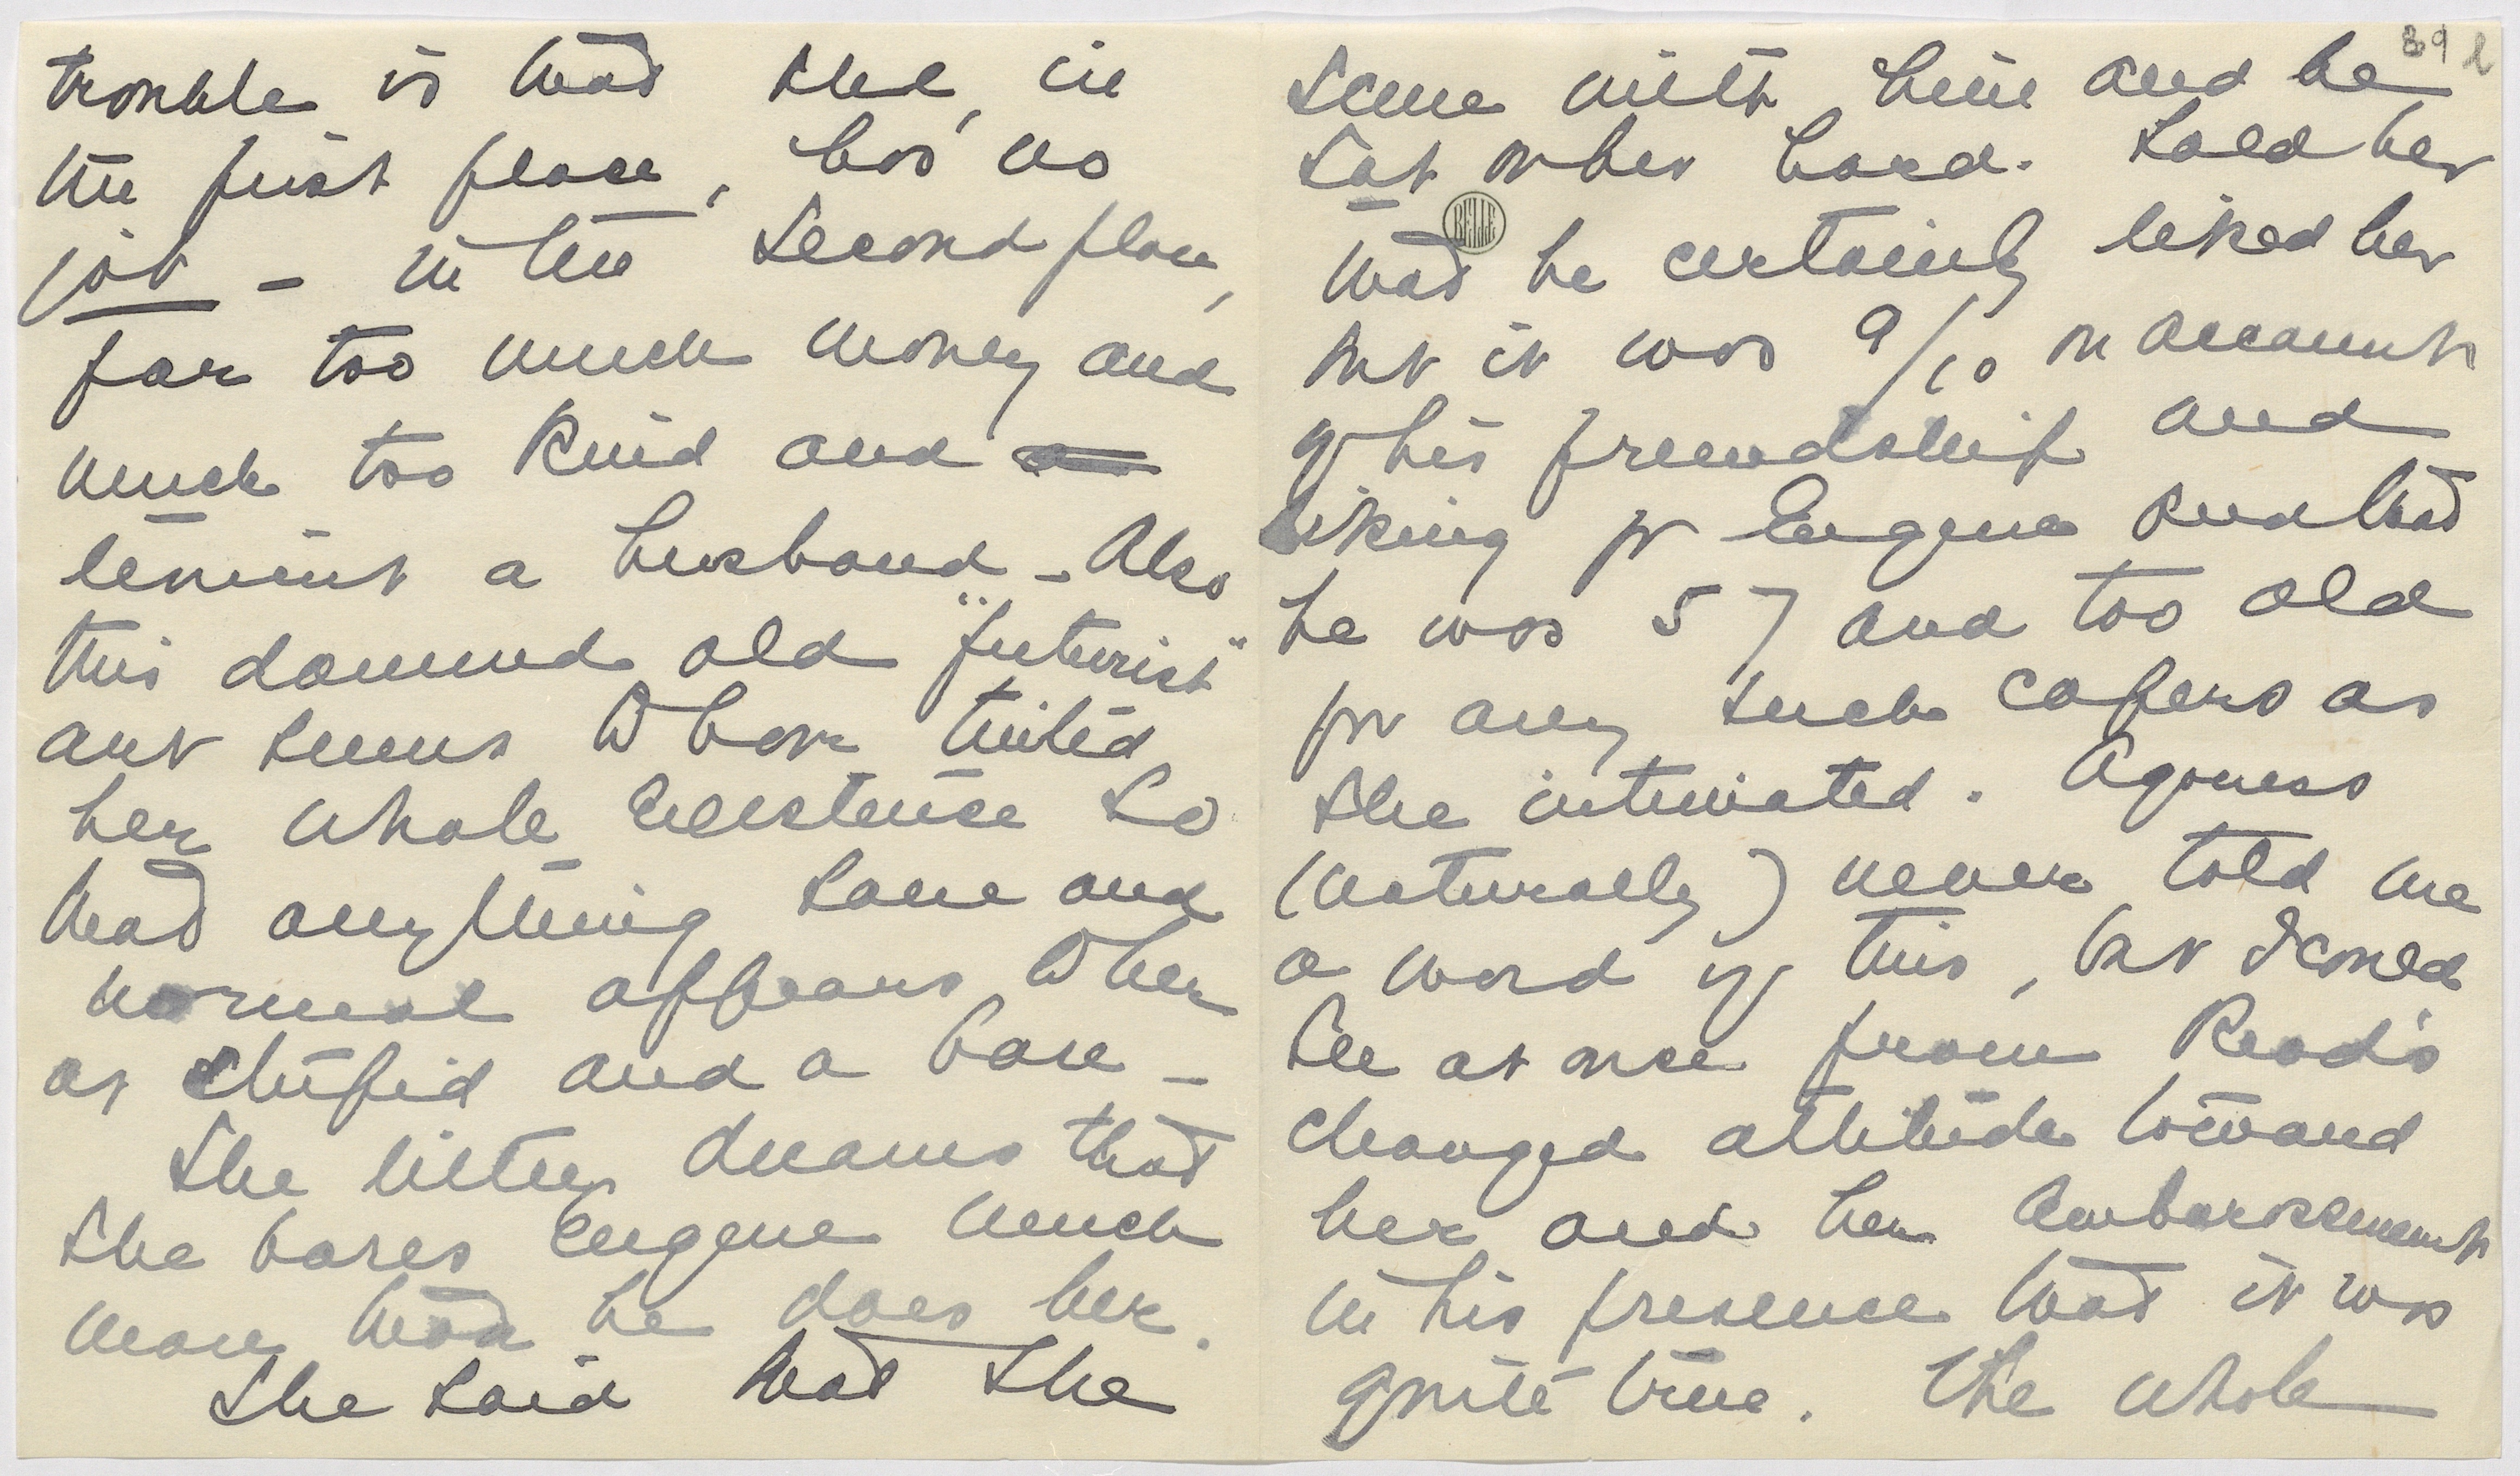scene with him and he sat on her hard. Told her that certainly liked her but it was 9/10 on account of his friendship and liking for Eugene and that he was 57 and too old for any such capers as she intimated. Agoness (naturally) never told me a word of this, but I could see at once from Read’s changed attitude toward her and her embarrassment in his presence that it was quite true. The whole
trouble is that she, in the first place, has no job – in the second place, far too much money and much too kind and a lenient a husband – Also this damned old “futurist” art seems to have twisted her whole existence so that anything sane and normal appears to her as stupid and a bore – She little dreams that she bores Eugene much more that he does her. She said that she